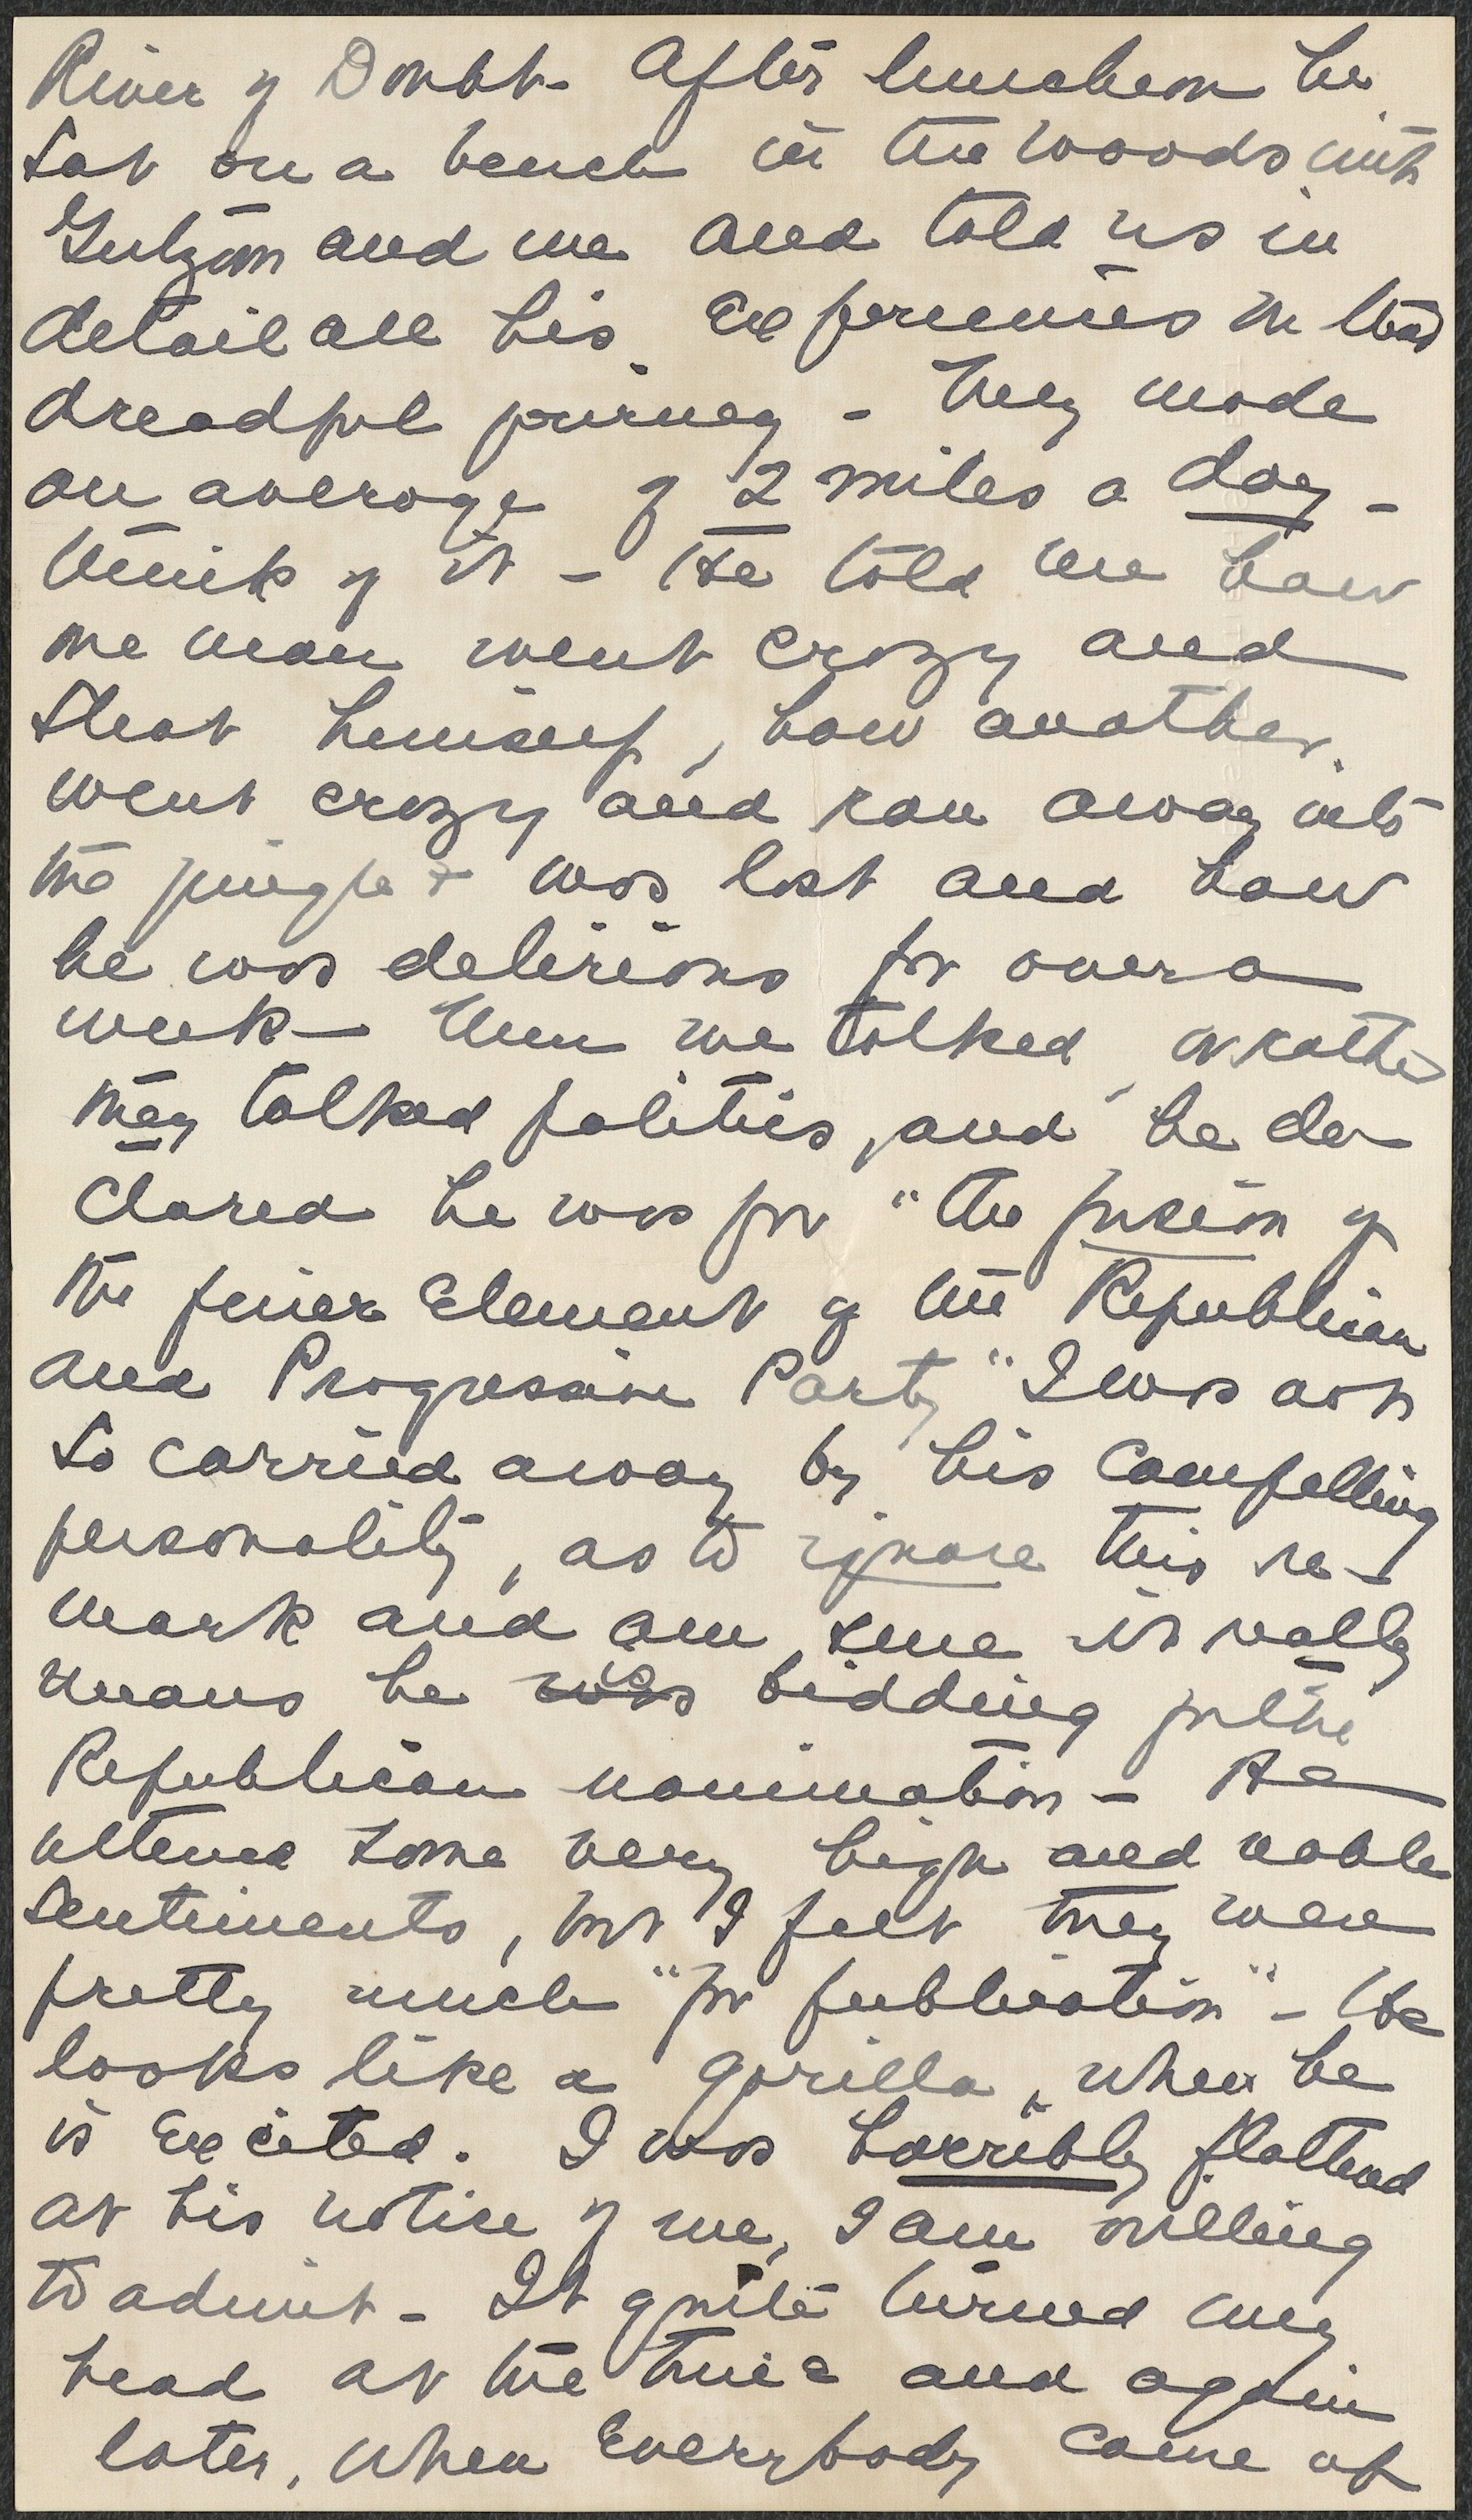River of Doubt – After luncheon he sat on a bench in the woods with Gutzon and me and told us in detail all his experiences on that dreadful journey –They made an average of 2 miles a day – think of it – He told me how one man went crazy and shot himself, how another went crazy and ran away into the jungle & was lost and how he was delirious for over a week – Then we talked, or rather they talked politics, and he declared he was for “the fusion of the finer element of the Republican and Progressive party” I was not so carried away by his compelling personality, as to ignore this remark and am sure it really means he was [^is^] bidding for the Republican nomination – He uttered some very high and noble sentiments, but I felt they were pretty much “for publication” – He looks like a gorilla when he is excited. I was horribly flattered at his notice of me, I am willing to admit – It quite turned my head at the time and again later, when everybody came up